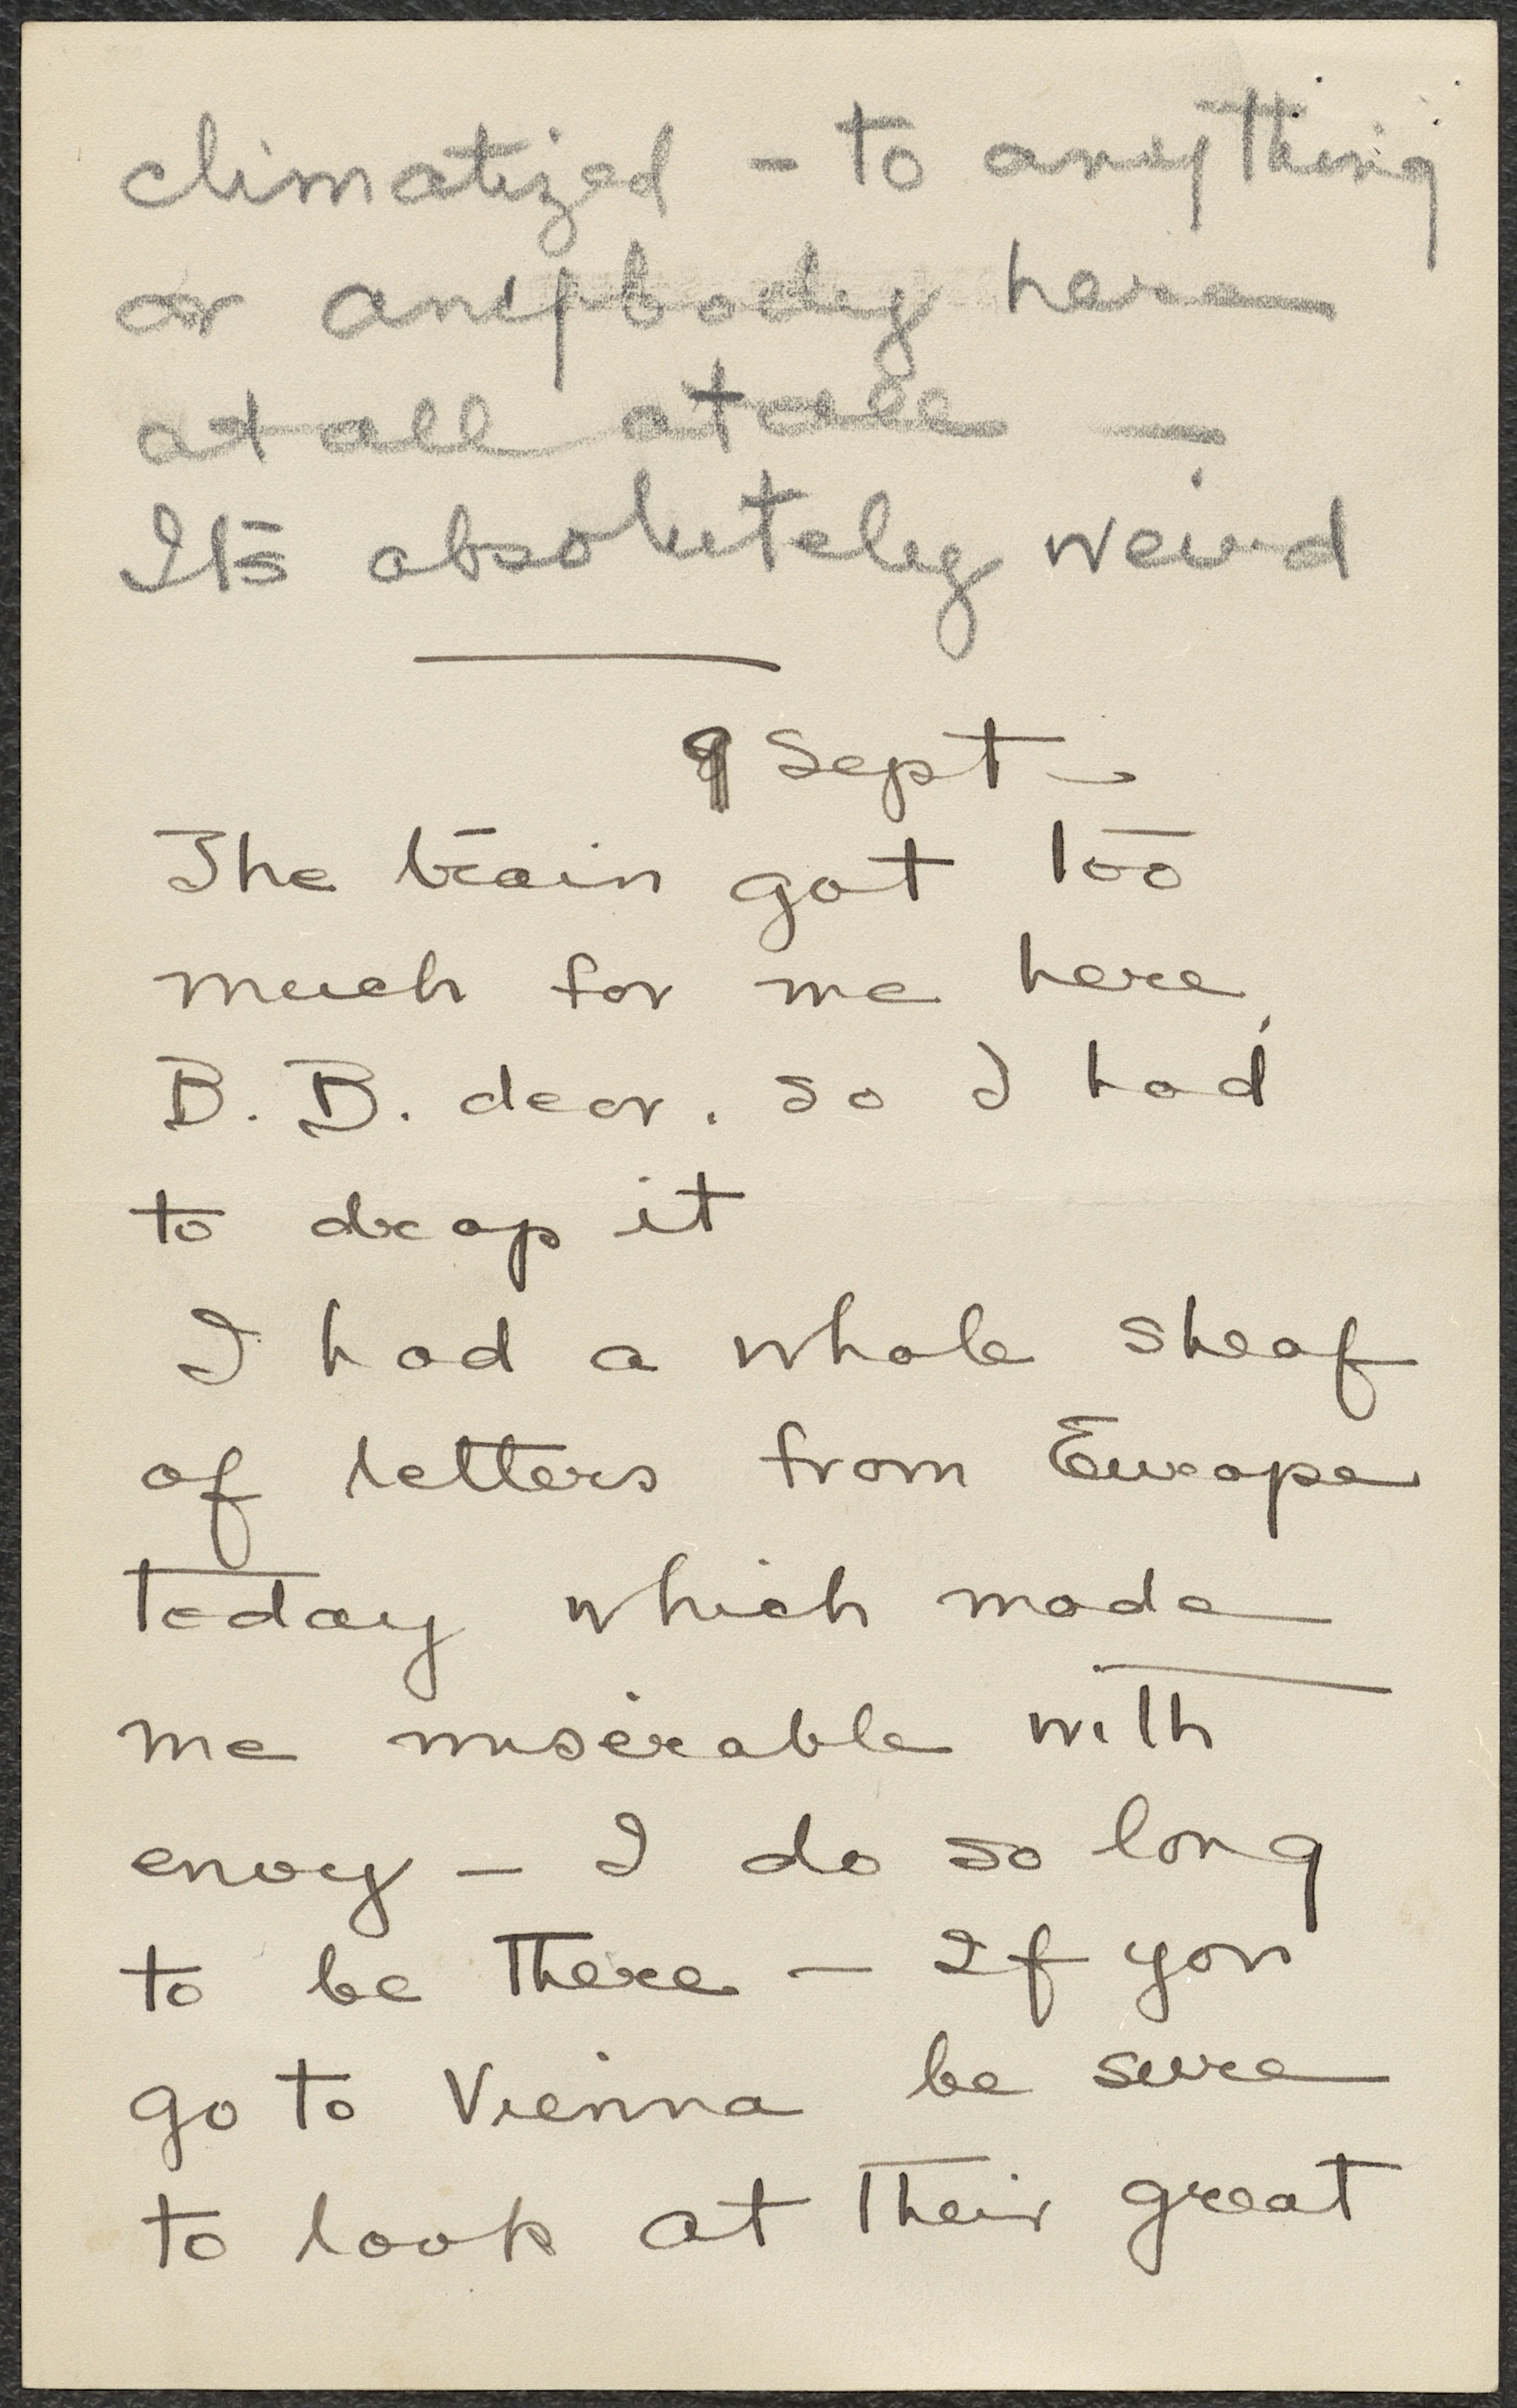acclimatized – to anything or anybody here at all at all – It’s absolutely weird
9 Sept –
The train got too much for me here, B.B. dear, so I had to drop it
I had a whole sheaf of letters from Europe today which made me miserable with envy – I do so long to be there – If you go to Vienna be sure to look at their great